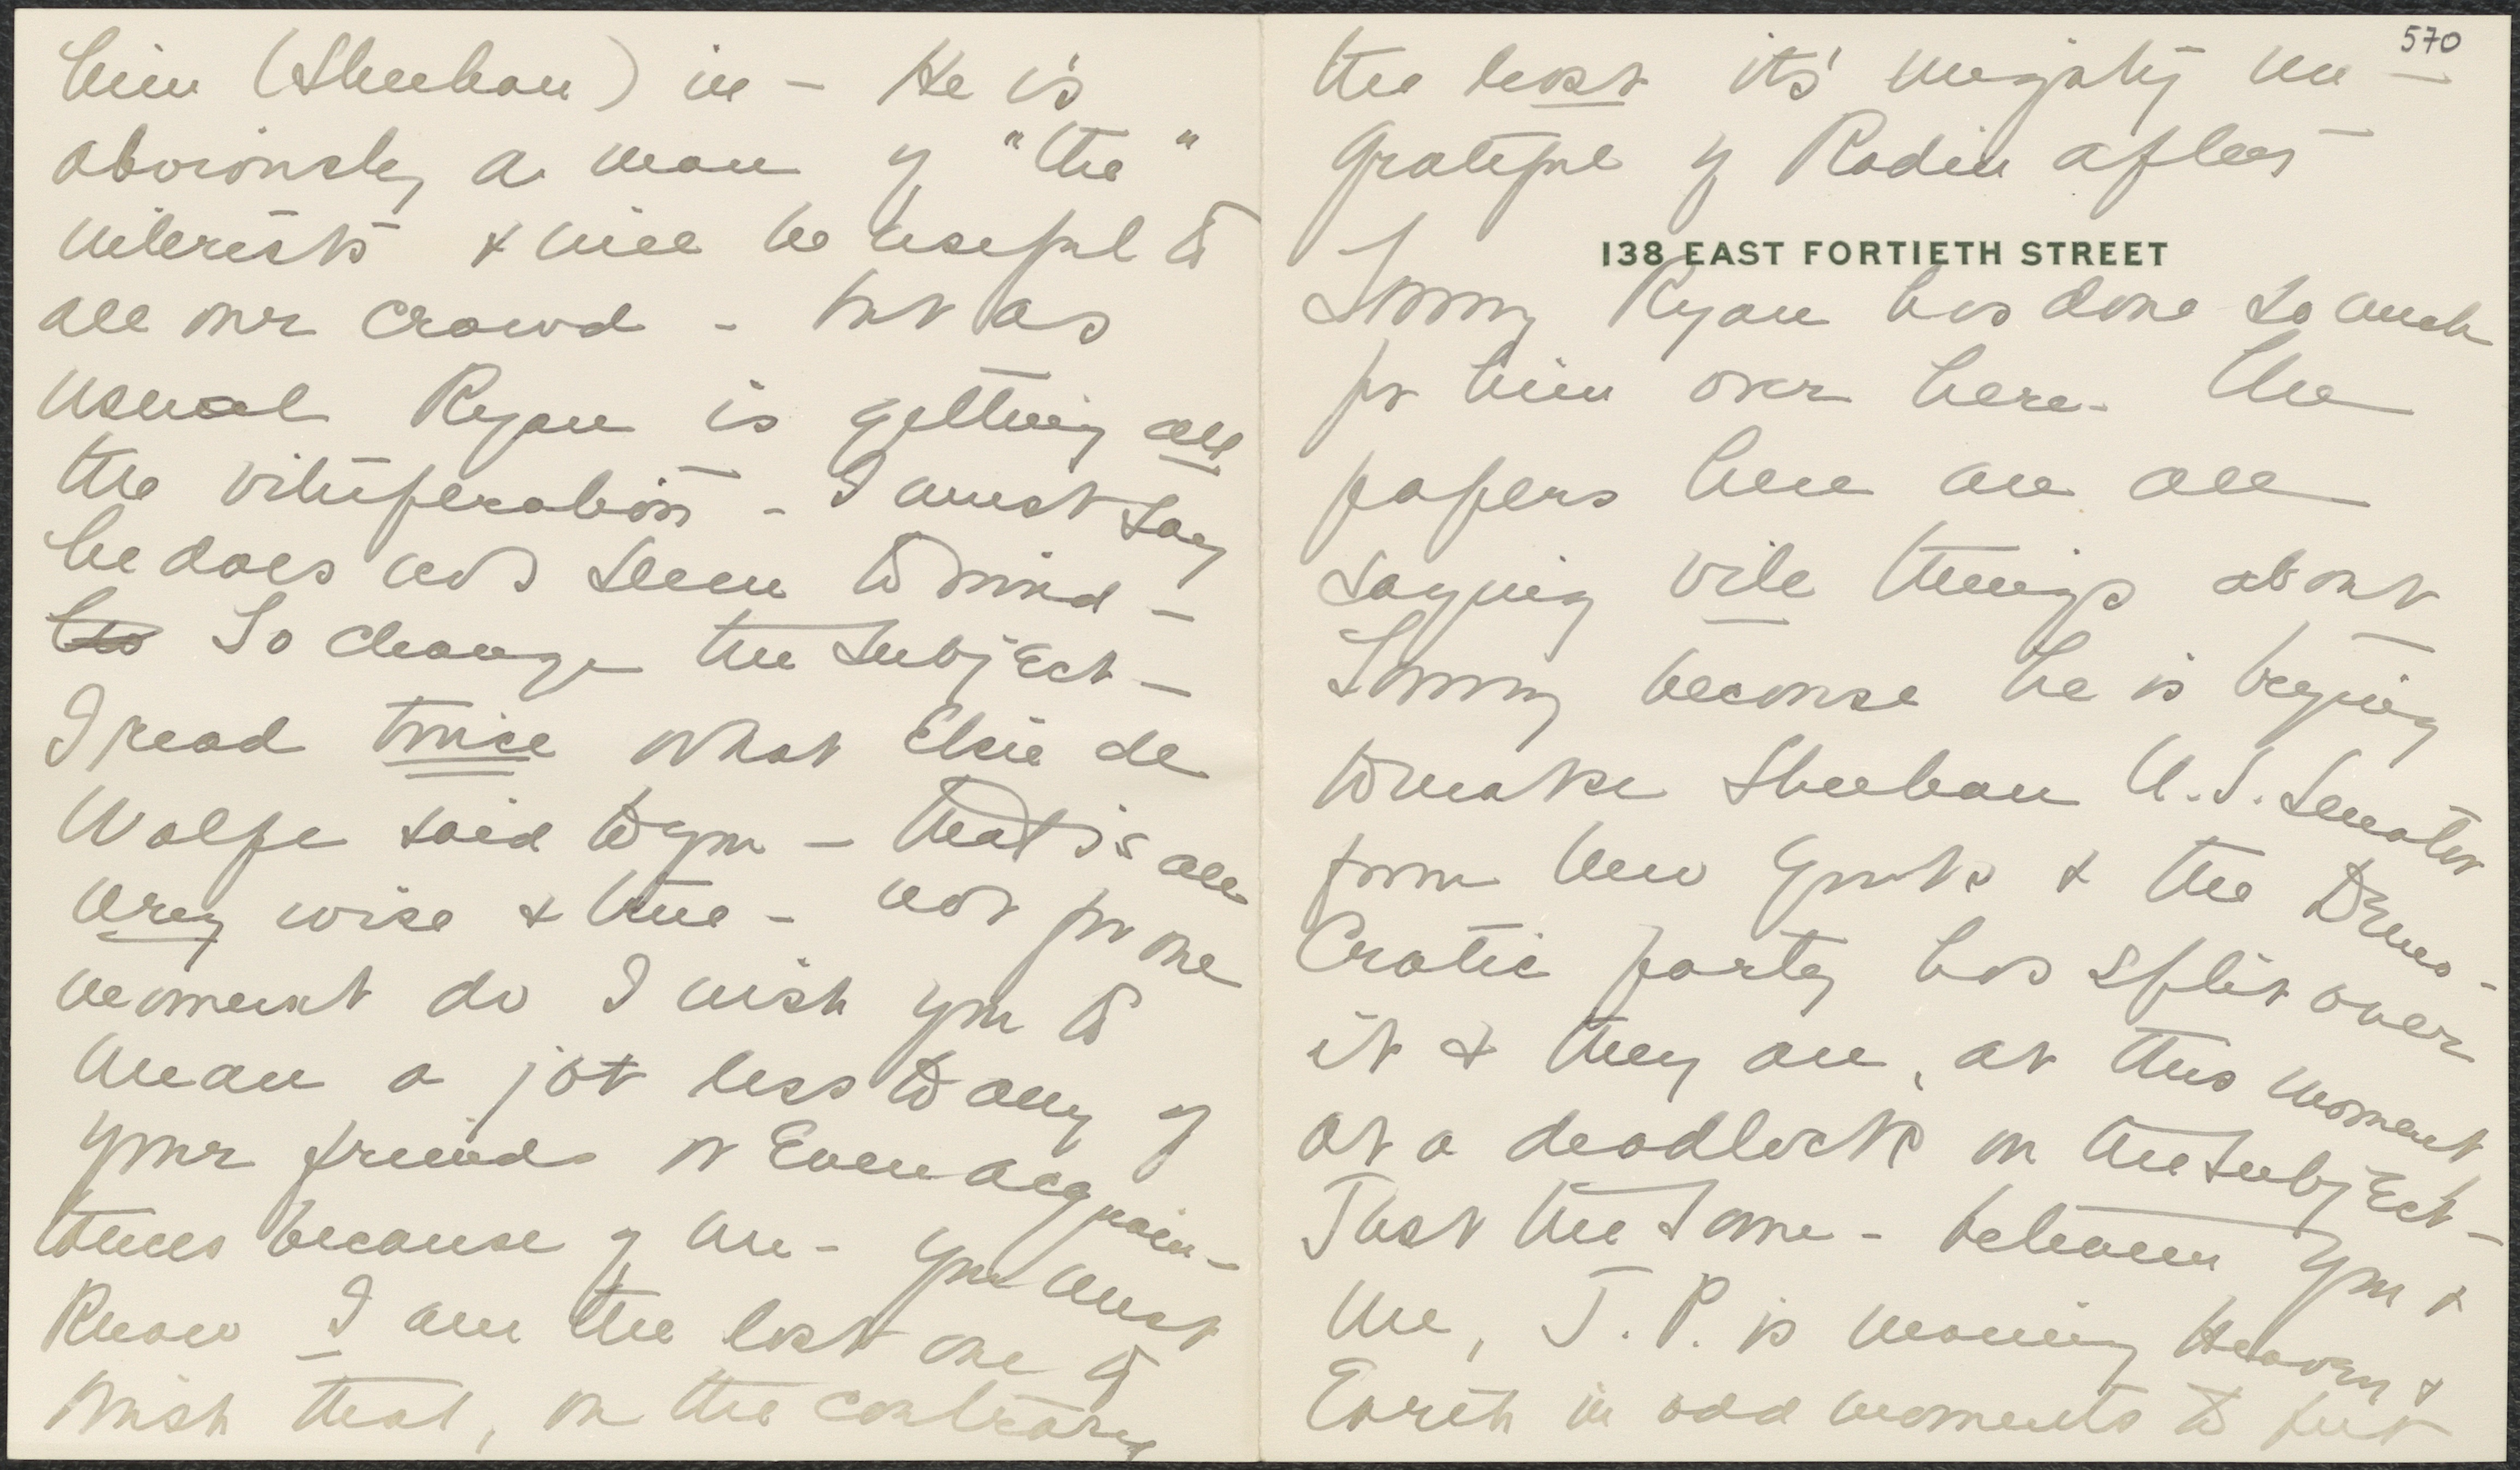the least it’s mighty ungrateful of Rodin after Tommy Ryan has done so much for him over here – The papers here are all saying vile things about Tommy because he is trying to make Sheehan U.S. Senator from New York & the Democratic party has split over it & they are at this moment at a deadlock on the subject – Just the same – between you & me, J. \P. is moving Heaven & Earth in odd moments to put
him (Sheehan) in – He is obviously a man of “the” interests & will be useful to all our crowd – but as usual Ryan is getting all the vituperation – I must say he does not seem to mind – [illegible deletion]
To change the subject – I read [double underlined: twice] what Elsie de Wolfe said to you – That’s all very wise & true – not for one moment do I wish you to mean a jot less to any of your friends or even acquaintances because of me – you must know I am the last one to wish that, on the contrary